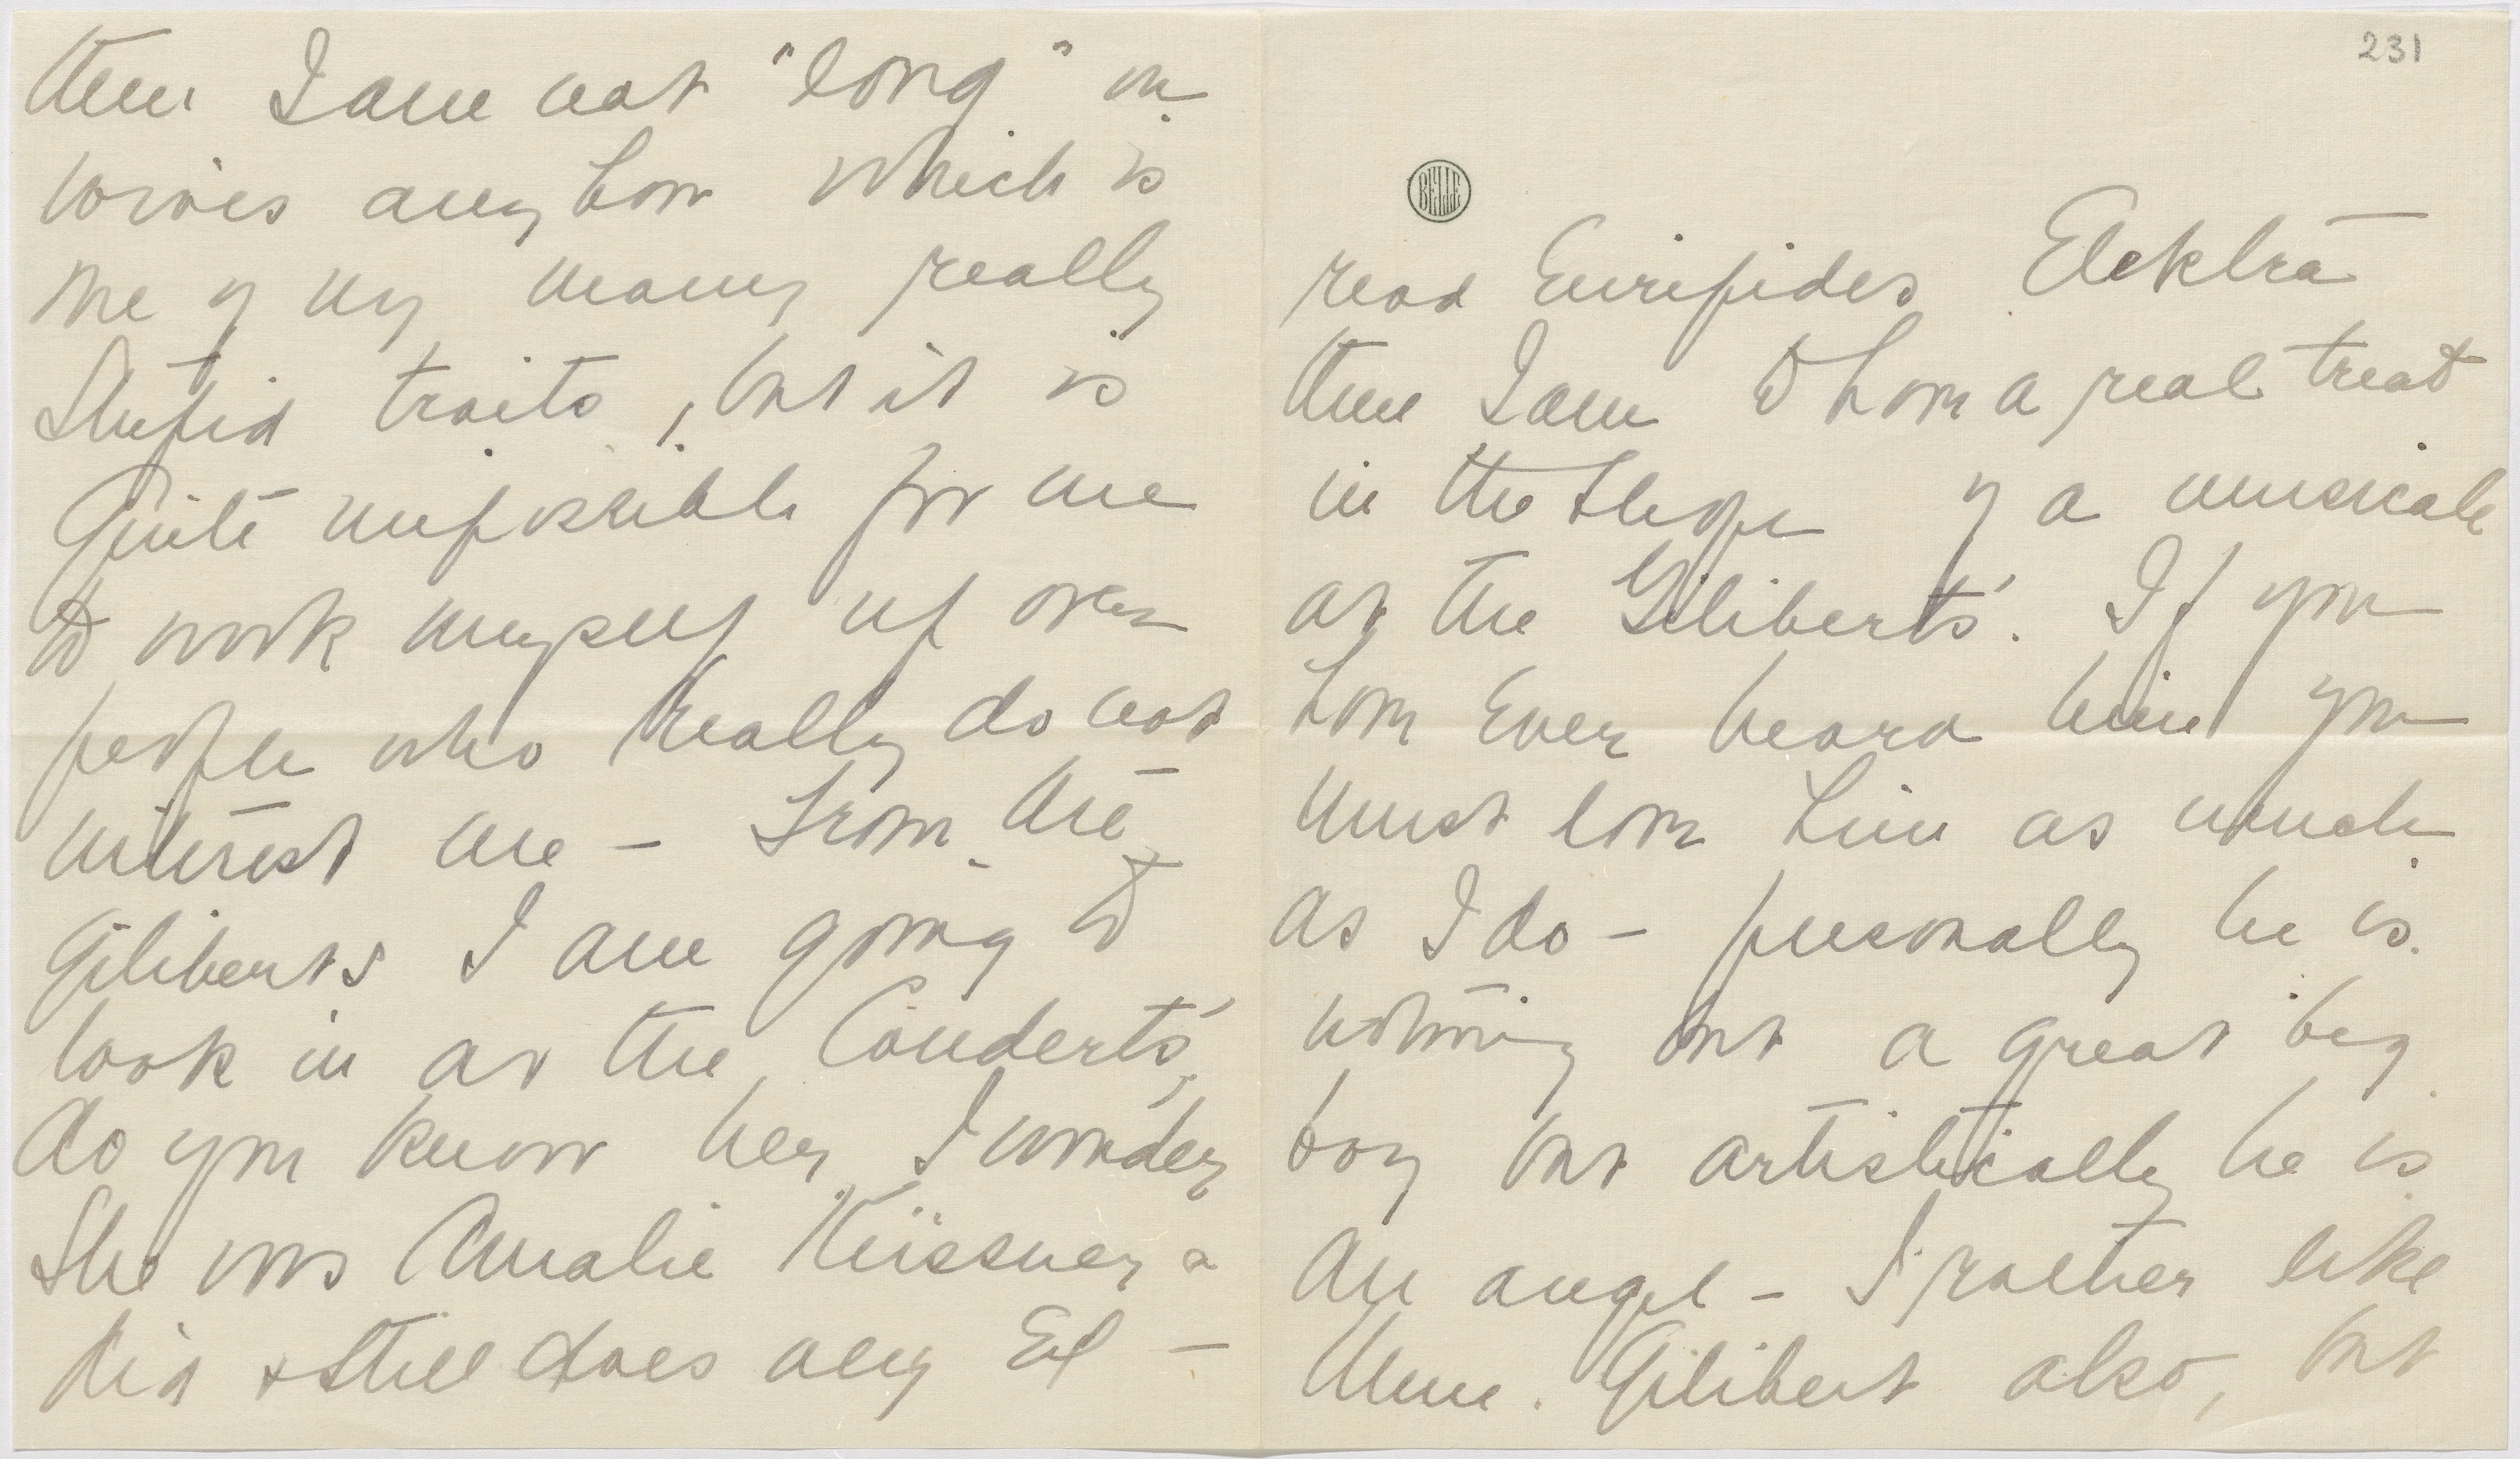read Euripides Elektra then I am to have a real treat in the shape of a musicale at the Gilibert’s. If you have ever heard him you must love him as much as I do – personally he is nothing but a great big boy but artistically he is an angel – I rather like Mme. Gilibert also, but
then I am not “long” on wives any how which is one of my many really stupid traits, but it is quite impossible for me to work myself up over people who really do not interest me – From the Giliberts I am going to look in at the Coudert’s, do you know her I wonder. She was Amalia Küssner & did & still does very excellent